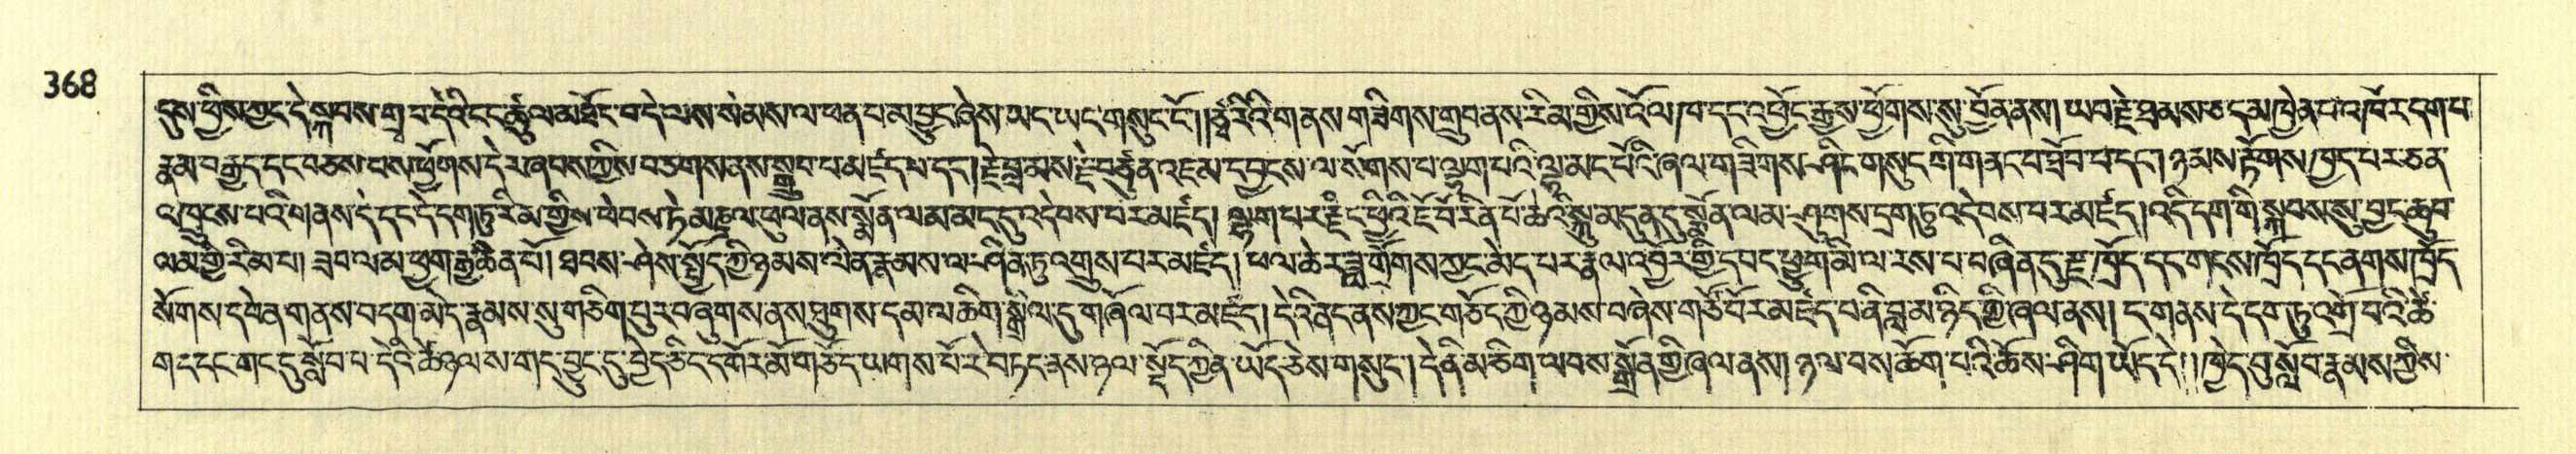དུས་ཕྱིས་ཀྱང་དེ་སྐབས་གྲྭ་པ་དེའི་ངང་ཚུལ་མཐོང་བ་དེ་ལས་སེམས་པ་ཕན་པ་མ་བྱུང་ཞེས་ཡང་ཡང་གསུང་ངོ། །ཙྭ་རིའི་གནས་གཟིགས་གྲུབ་ནས་རིམ་གྱིས་འོལ་ཁ་དང་འཕྱོང་རྒྱས་ཕྱོགས་སུ་བྱོན་ནས། ཡབ་རྗེ་ཐམས་ཅད་མཁྱེན་པ་འཁོར་དག་པ་
རྣམ་བརྒྱད་དང་བཅས་པས་ཕྱོགས་དེར་ཞབས་ཀྱིས་བཅགས་ནས་སྒྲུབ་པ་མཛད་པ་དང་། རྗེ་བླ་མས་རྗེ་བཙུན་འཇམ་དབྱངས་ལ་སོགས་པ་ལྷག་པའི་ལྷ་མང་པོའི་ཞལ་གཟིགས་ཤིང་གསུང་གི་གནང་བ་ཐོབ་པ་དང་། ཉམས་རྟོགས་ཁྱད་པར་ཅན་
འཁྲུངས་པའི་གནས་དེ་དང་དེ་དག་ཏུ་རིམ་གྱིས་ཕེབས་ཏེ་མཎྜལ་ཕུལ་ནས་སྨོན་ལམ་མང་དུ་འདེབས་པར་མཛད། ལྷག་པར་རྫིང་ཕྱིའི་ཇོ་བོ་རིན་པོ་ཆེའི་སྐུ་མདུན་དུ་སྨོན་ལམ་ཤུགས་དྲག་ཏུ་འདེབས་པར་མཛད། འདི་དག་གི་སྐབས་སུ་བྱང་ཆུབ་
ལམ་གྱི་རིམ་པ། ཟབ་ལམ་ཕྱག་རྒྱ་ཆེན་པོ། ཐབས་ཤེས་སྤྱོད་ཀྱི་ཉམས་ལེན་རྣམས་ལ་ཤིན་ཏུ་འགྲུས་པར་མཛད། ཕལ་ཆེར་ཟླ་གྲོགས་ཀྱང་མེད་པར་རྣལ་འབྱོར་གྱི་དབང་ཕྱུག་མི་ལ་རས་པ་བཞིན་དུ་རྫ་ཁྲོད་དང་གངས་ཁྲོད་དང་ནགས་ཁྲོད་
སོགས་དབེན་གནས་བདག་མེད་རྣམས་སུ་གཅིག་པུར་བཞུགས་ནས་ཐུགས་དམ་ལ་ཆིག་སྒྲེལ་དུ་གཞོལ་བར་མཛད། དེའི་ནང་ནས་ཀྱང་གཅོད་ཀྱི་ཉམས་བཞེས་གཙོ་བོར་མཛད་པ་ནི་བླ་མ་ཉིད་ཀྱི་ཞལ་ནས། ད་གནས་དེ་དག་ཏུ་འགྲོ་བའི་ཚེ་
གང་དང་གང་དུ་སློབ་པ་དེའི་ཚེ་ཉལ་གང་བྱུང་དུ་བྱེད་ཅིང་དགོར་མོ་གཅོད་ཡགས་པོ་རེ་བཏང་ནས་ཉལ་སྡོད་ཀྱིན་ཡོད་ཅེས་གསུང་། དེ་ནི་མ་ཅིག་ལབས་སྒྲོན་གྱི་ཞལ་ནས། ཉལ་བས་ཆོག་པའི་ཆོས་ཤིག་ཡོད་དེ། །ཁྱེད་བུ་སློབ་རྣམས་ཀྱིས་